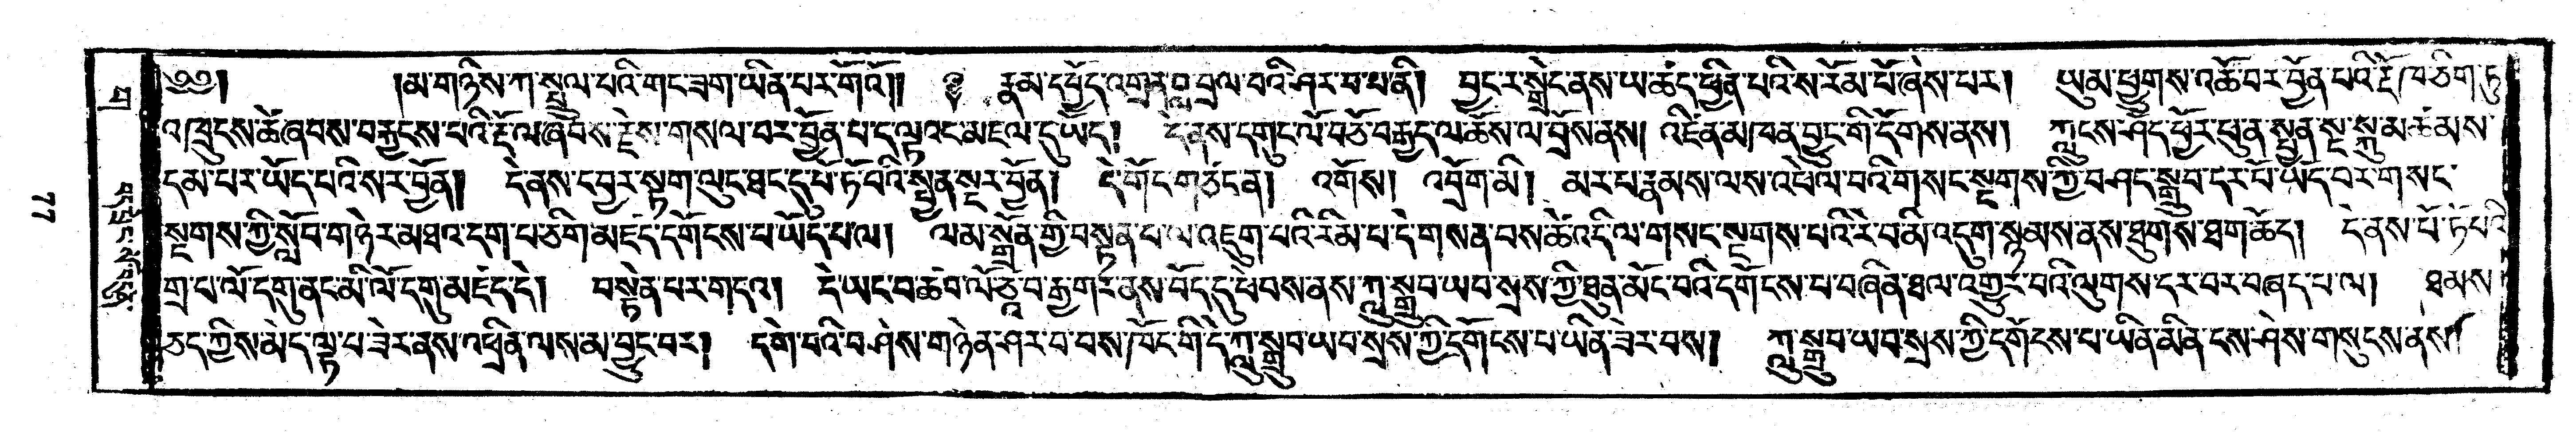༄༅། །མ་གཉིས་ཀ་སྤྲུལ་པའི་གང་ཟག་ཡིན་པར་གོའོ།། །༈ རྣམ་དཔྱོད་འགྲན་བླ་བྲལ་བའི་ཤར་བ་པ་ནི། བྱང་ར་སྒྲེང་ནས་ཡ་ཚད་ཕྱིན་པའི་ས་རོམ་པོ་ཞེས་པར། ཡུམ་ཕྱུགས་འཚོ་བར་བྱོན་པའི་རྡོ་ཀ་ཅིག་ཏུ་
འཁྲུངས་ཚེ་ཞབས་བརྐྱངས་པའི་རྡོ་ལ་ཞབས་རྗེས་གསལ་བར་བྱོན་པ་ད་ལྟའང་མཇལ་དུ་ཡོད། དེ་ནས་དགུང་ལོ་བཅོ་བརྒྱད་ལ་ཆོས་ལ་བྲོས་ནས། འཛིན་མཁན་བྱུང་གི་དོགས་ནས། ཀླུངས་ཤོད་ཕྱོར་ཕུ་ན་སྤྱན་སྔ་སྐུ་མཚམས་
དམ་པར་ཡོད་པའི་སར་བྱོན། དེ་ནས་དབྱར་སྟག་ལུང་ཐང་དུ་པོ་ཏོ་བའི་སྤྱན་སྔར་བྱོན། དེ་གོང་གཙང་ན། འགོས། འབྲོག་མི། མར་པ་རྣམས་ལས་འཕེལ་བའི་གསང་སྔགས་ཀྱི་བཤད་སྒྲུབ་དར་པོ་ཡོད་པར་གསང་
སྔགས་ཀྱི་སློབ་གཉེར་མཐའ་དག་པ་ཅིག་མཛད་དགོངས་པ་ཡོད་པ་ལ། ལམ་སྒྲོན་གྱི་བསྟན་པ་ལ་འཇུག་པའི་རིམ་པ་དེ་གསན་པས་ཚེ་འདི་ལ་གསང་སྔགས་པའི་རེ་བ་མི་འདུག་སྙམས་ནས་ཐུགས་ཐག་ཆོད། དེ་ནས་པོ་ཏོ་པའི་
གྲ་པ་ལོ་དགུ་ནང་མི་ལོ་དགུ་མཛད་དེ། བསྟེན་པར་གདའ། དེ་ཡང་བ་ཚ་བ་ལོ་ཙཱ་བ་རྒྱ་གར་ནས་བོད་དུ་ཕེབས་ནས་ཀླུ་སྒྲུབ་ཡབ་སྲས་ཀྱི་ཐུན་མོང་བའི་དགོངས་པ་བཞིན་ཐལ་འགྱུར་བའི་ལུགས་དར་བར་བཞད་པ་ལ། ཐམས་
ཅད་ཀྱིས་མེད་ལྟ་བ་ཟེར་ནས་འཕྲིན་ལས་མ་བྱུང་བར། དགེ་བའི་བཤེས་གཉེན་ཤར་བ་བས་ཁོང་གི་དེ་ཀླུ་སྒྲུབ་ཡབ་སྲས་ཀྱི་དགོངས་པ་ཡིན་ཟེར་བས། ཀླུ་སྒྲུབ་ཡབ་སྲས་ཀྱི་དགོངས་པ་ཡིན་མིན་ངས་ཤེས་གསུངས་ནས།